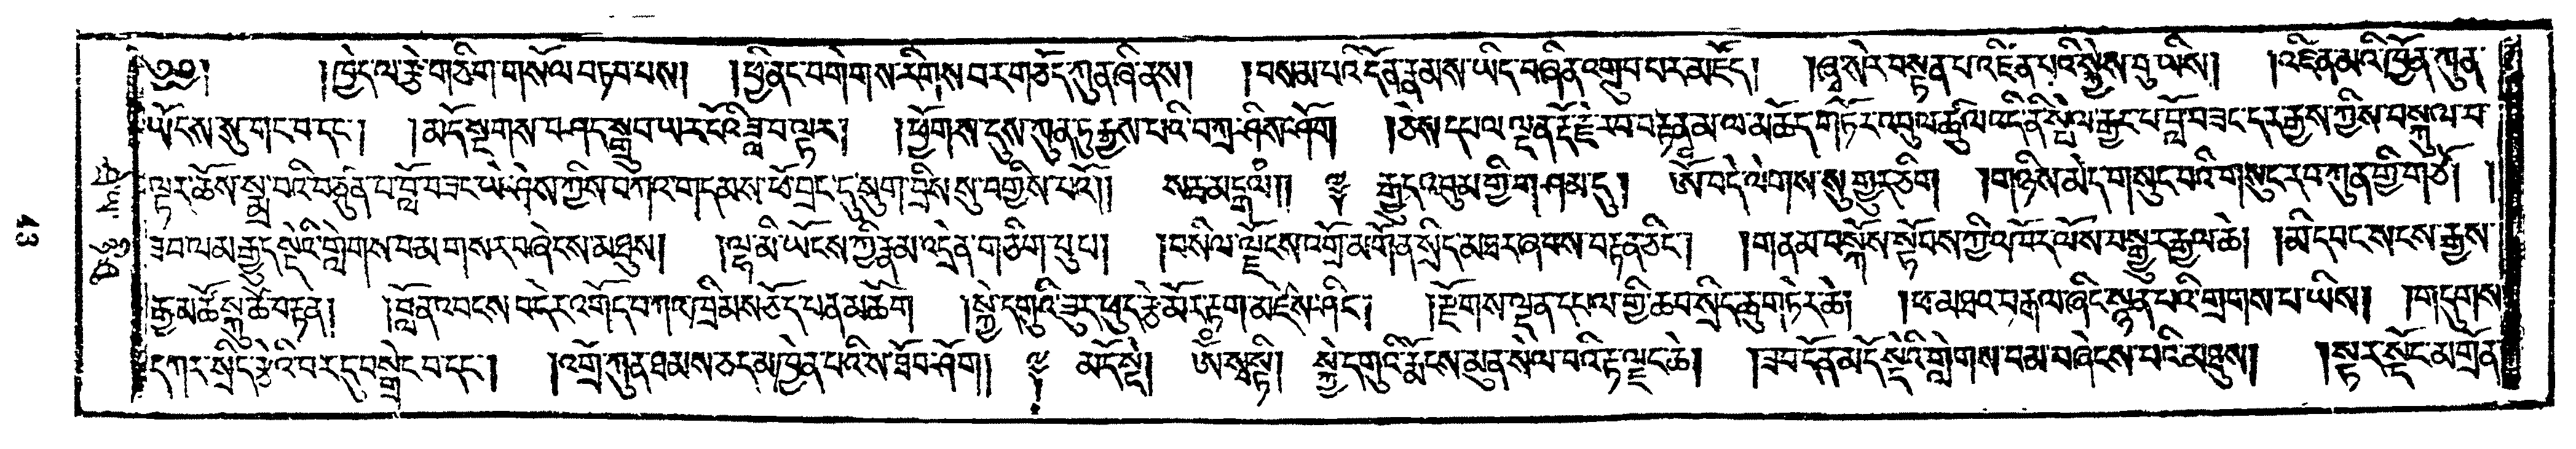༄༅། །ཁྱེད་ལ་རྩེ་གཅིག་གསོལ་བཏབ་པས། །ཕྱི་ནང་བགེགས་རིགས་བར་གཅོད་ཀུན་ཞི་ནས། །བསམ་པའི་དོན་རྣམས་ཡིད་བཞིན་འགྲུབ་པར་མཛོད། །ཞྭ་སེར་བསྟན་པ་འཛིན་པའི་སྐྱེས་བུ་ཡིས། །འཛིན་མའི་ཁྱོན་ཀུན་
ཡོངས་སུ་གང་བ་དང་། །མདོ་སྔགས་བཤད་སྒྲུབ་ཡར་ངོའི་ཟླ་བ་ལྟར། །ཕྱོགས་དུས་ཀུན་ཏུ་རྒྱས་པའི་བཀྲ་ཤིས་ཤོག །ཅེས་དཔལ་ལྡན་རྡོ་རྗེ་རབ་བརྟན་མ་ལ་མཆོད་གཏོར་འབུལ་ཚུལ་འདི་ནི་སྤེལ་རྒྱང་པ་བློ་བཟང་དར་རྒྱས་ཀྱིས་བསྐུལ་བ་
ལྟར་ཆོས་སྨྲ་བའི་བཙུན་པ་བློ་བཟང་ཡེ་ཤེས་ཀྱིས་བཀའ་གདམས་ཕོ་བྲང་དུ་སུག་བྲིས་སུ་བགྱིས་པའོ།། སརྦ་མངྒལཾ།། ༈ རྒྱུད་འབུམ་གྱི་གཤམ་དུ། ཨོཾ་བདེ་ལེགས་སུ་གྱུར་ཅིག །གཉིས་མེད་གསུང་བའི་གསུང་རབ་ཀུན་གྱི་གཙོ། །
ཟབ་ལམ་རྒྱུད་སྡེའི་གླེགས་བམ་གསར་བཞེངས་མཐུས། །ལྷ་མི་ཡོངས་ཀྱི་རྣམ་འདྲེན་གཅིག་པུ་པ། །བསིལ་ལྗོངས་འགྲོ་མགོན་སྲིད་མཐར་ཞབས་བརྟན་ཅིང་། །གནམ་བསྐོས་སྟོབས་ཀྱི་འཁོར་ལོས་བསྒྱུར་རྒྱལ་ཆེ། །མི་དབང་སངས་རྒྱས་
རྒྱ་མཚོ་སྐུ་ཚེ་བརྟན། །བློན་འབངས་བདེར་འགོད་བཀའ་ཁྲིམས་ཅོད་པན་མཆོག །སྐྱེ་དགུའི་ཟུར་ཕུད་རྩེ་མོར་རྟག་མཛེས་ཤིང་། །རྫོགས་ལྡན་དཔལ་གྱི་ཆབ་སྲིད་ཆུ་གཏེར་ཆེ། །ཕ་མཐའ་བརྒལ་ཞིང་སྙན་པའི་གྲགས་པ་ཡིས། །གདུགས་
དཀར་སྲིད་རྩེའི་བར་དུ་བསྒྲེང་བ་དང་། །འགྲོ་ཀུན་ཐམས་ཅད་མཁྱེན་པའི་ས་ཐོབ་ཤོག། ༈ མདོ་སྡེ། ཨོཾ་སྭ་སྟི། སྐྱེ་དགུའི་རྨོངས་མུན་སེལ་བའི་རྟ་ལྗང་ཆེ། །ཟབ་དོན་མདོ་སྡེའི་གླེགས་བམ་བཞེངས་པའི་མཐུས། །སྟར་སྡོང་མགྲོན་